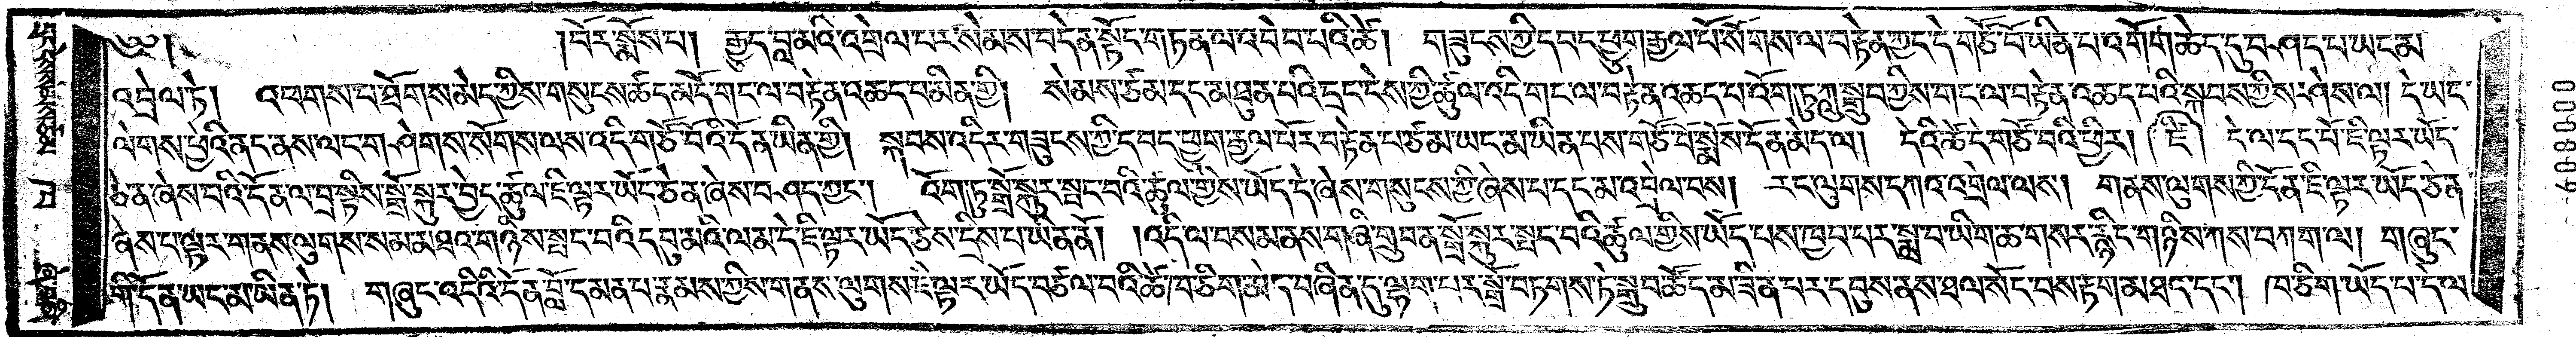༄༅། །བོར་སྨོས་པ། རྒྱུད་བླ་མའི་འགྲེལ་པར་སེམས་བདེན་སྟོང་གཏན་ལ་འབེབ་པའི་ཚེ། གཟུངས་ཀྱི་དབང་ཕྱུག་རྒྱལ་པོ་སོགས་ལ་བརྟེན་ཀྱང་དེ་གཙོ་བོ་ཡིན་པ་འགོག་ཆེད་དུ་བཤད་པ་ཡང་མ་
འབྲེལ་ཏེ། འཕགས་པ་ཐོགས་མེད་ཀྱིས་གསུངས་ཚད་མདོ་གང་ལ་བརྟེན་འཆད་པ་མིན་གྱི། སེམས་ཙམ་དང་མཐུན་པའི་དྲང་ངེས་ཀྱི་ཚུལ་འདི་གང་ལ་བརྟེན་འཆད་པ་འོག་ཏུ་ཀླུ་སྒྲུབ་ཀྱིས་གང་ལ་བརྟེན་འཆད་པའི་སྐབས་ཀྱིས་ཤེས་ལ། དེ་ཡང་
ལེགས་ཕྱེའི་ནང་ནས་ལང་གཤེགས་སོགས་ལས་འདི་གཙོ་བོའི་དོན་ཡིན་གྱི། སྐབས་འདིར་གཟུངས་ཀྱི་དབང་ཕྱུག་རྒྱལ་པོར་བརྟེན་པ་ཙམ་ཡང་མ་ཡིན་པས་གཙོ་བོ་སྨོས་དོན་མེད་ལ། དེའི་ཚེ་དེ་གཙོ་བའི་ཕྱིར། ༼ཛི༽ དེ་ལ་དང་པོ་ཇི་ལྟར་ཡོད་
ཅེ་ན་ཞེས་པའི་དོན་ལ་བྲ་སྟིས་སྒྲོ་སྐུར་བྱེད་ཚུལ་ཇི་ལྟར་ཡོད་ཅེ་ན་ཞེས་བཤད་ཀྱང་། འོག་ཏུ་སྒྲོ་སྐུར་སྤང་བའི་ཚུལ་གྱིས་ཡོད་དེ་ཞེས་གསུངས་ཀྱི་ཞེས་པ་དང་མ་འབྲེལ་བས། རང་ལུགས་དཀའ་འགྲེལ་ལས། གནས་ལུགས་ཀྱི་དོན་ཇི་ལྟར་ཡོད་ཅེ་ན།
ཞེས་པ་ལྟར་གནས་ལུགས་སམ་མཐའ་གཉིས་སྤང་བའི་དབུ་མའི་ལམ་དེ་ཇི་ལྟར་ཡོད་ཅེས་དྲིས་པ་ཡིན་ནོ། །འདི་ལ་བསམ་ནས་གཞི་གྲུབ་ན་སྒྲོ་སྐུར་སྤང་བའི་ཚུལ་གྱིས་ཡོད་པས་ཁྱབ་པར་སྨྲ་བ་ཡིག་ཆ་གསར་རྙིང་གཉིས་ཀས་བཀག་པ། གཞུང་
གི་དོན་ཡང་མ་ཡིན་ཏེ། གཞུང་འདིའི་དོན་བློ་དམན་པ་རྣམས་ཀྱིས་གནས་ལུགས་ཇི་ལྟར་ཡོད་བཙལ་བའི་ཚེ་ཁ་ཅིག་མེད་བཞིན་དུ་ལྷག་པར་སྒྲོ་བཏགས་ཏེ་སྒྲུབ་ཚོད་མ་ཟིན་པར་དབུས་ནས་ཐལ་སོང་བས་རྟག་མཐའ་དང་། ཁ་ཅིག་ཡོད་པ་དེ་ལ་